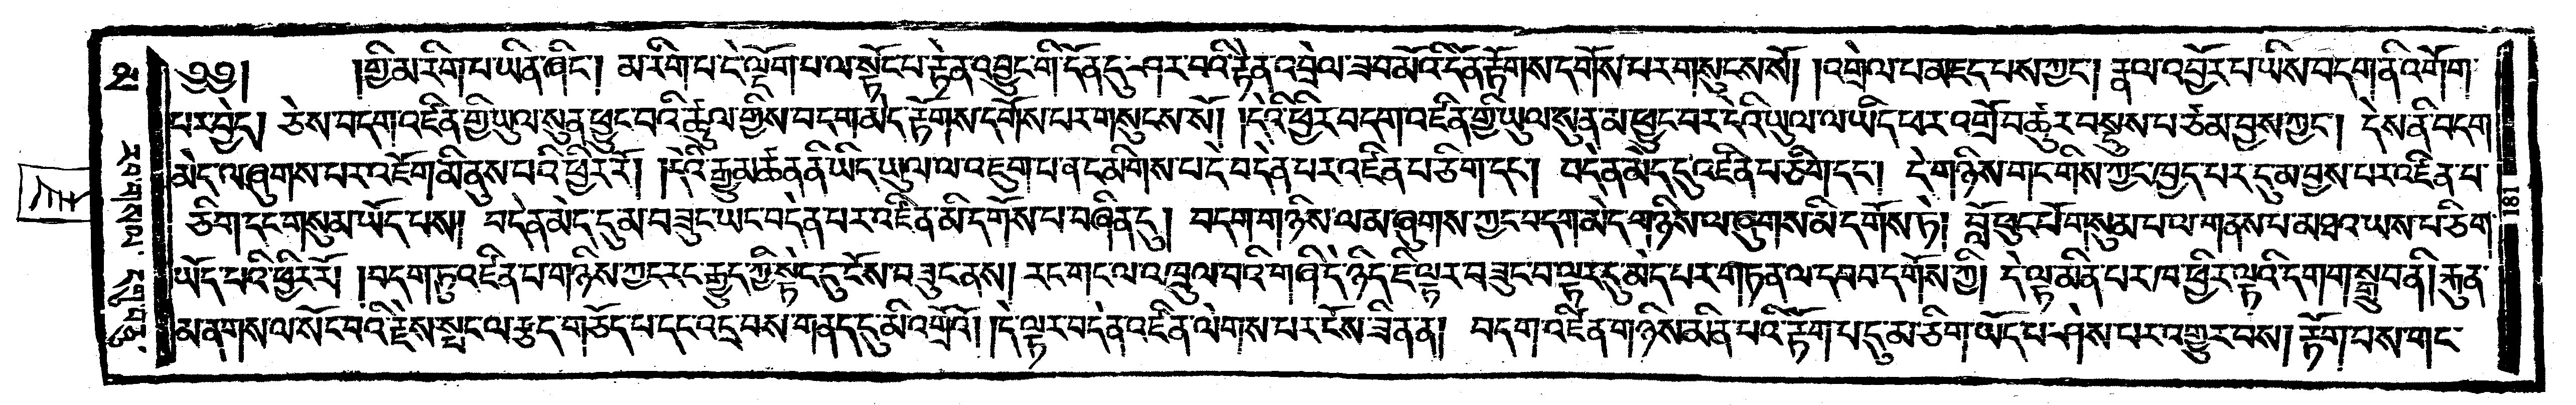༄༅། །གྱི་མ་རིག་པ་ཡིན་ཞིང་། མ་རིག་པ་དེ་ལྡོག་པ་ལ་སྟོང་པ་རྟེན་འབྱུང་གི་དོན་དུ་ཤར་བའི་རྟེན་འབྲེལ་ཟབ་མོའི་དོན་རྟོགས་དགོས་པར་གསུངས་སོ། །འགྲེལ་པ་མཛད་པས་ཀྱང་། རྣལ་འབྱོར་པ་ཡིས་བདག་ནི་འགོག་
པར་བྱེད། ཅེས་བདག་འཛིན་གྱི་ཡུལ་སུན་ཕྱུང་བའི་ཚུལ་གྱིས་བདག་མེད་རྟོགས་དགོས་པར་གསུངས་སོ། །དེའི་ཕྱིར་བདག་འཛིན་གྱི་ཡུལ་སུན་མ་ཕྱུང་བར་དེའི་ཡུལ་ལ་ཡིད་ཕར་འགྲོ་བ་ཚུར་བསྡུས་པ་ཙམ་བྱས་ཀྱང་། དེས་ནི་བདག་
མེད་ལ་ཞུགས་པར་འཇོག་མི་ནུས་པའི་ཕྱིར་རོ། །དེའི་རྒྱུ་མཚན་ནི་ཡིད་ཡུལ་ལ་འཇུག་པ་ན་དམིགས་པ་དེ་བདེན་པར་འཛིན་པ་ཅིག་དང་། བདེན་མེད་དུ་འཛིན་པ་ཅིག་དང་། དེ་གཉིས་གང་གིས་ཀྱང་ཁྱད་པར་དུ་མ་བྱས་པར་འཛིན་པ་
ཅིག་དང་གསུམ་ཡོད་པས། བདེན་མེད་དུ་མ་བཟུང་ཡང་བདེན་པར་འཛིན་མི་དགོས་པ་བཞིན་དུ། བདག་གཉིས་ལ་མ་ཞུགས་ཀྱང་བདག་མེད་གཉིས་ལ་ཞུགས་མི་དགོས་ཏེ། བློ་ཕུང་པོ་གསུམ་པ་ལ་གནས་པ་མཐའ་ཡས་པ་ཅིག་
ཡོད་པའི་ཕྱིར་རོ། །བདག་ཏུ་འཛིན་པ་གཉིས་ཀྱང་རང་རྒྱུད་ཀྱི་སྟེང་དུ་ངོས་བཟུང་ནས། རང་གང་ལ་འཁྲུལ་བའི་གཞི་དེ་ཉིད་ཇི་ལྟར་བཟུང་བ་ལྟར་དུ་མེད་པར་གཏན་ལ་འབབ་དགོས་ཀྱི། དེ་ལྟ་མིན་པར་ཁ་ཕྱིར་ལྟའི་དགག་སྒྲུབ་ནི། རྐུན་
མ་ནགས་ལ་སོང་བའི་རྗེས་སྤང་ལ་རྩད་གཅོད་པ་དང་འདྲ་བས་གནད་དུ་མི་འགྲོའོ། །དེ་ལྟར་བདེན་འཛིན་ལེགས་པར་ངོས་ཟིན་ན། བདག་འཛིན་གཉིས་མིན་པའི་རྟོག་པ་དུ་མ་ཅིག་ཡོད་པ་ཤེས་པར་འགྱུར་བས། རྟོག་པས་གང་